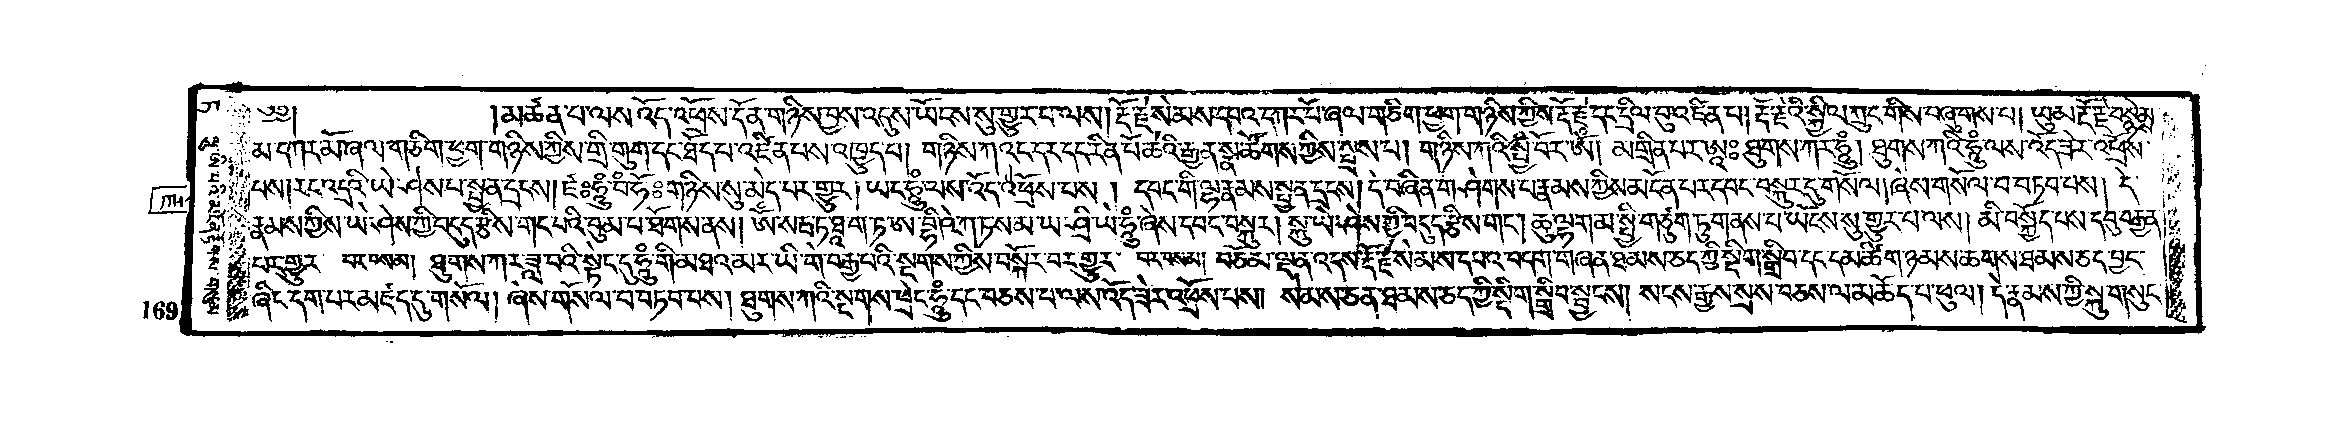༄༅། །མཚན་པ་ལས་འོད་འཕྲོས་དོན་གཉིས་བྱས་འདུས་ཡོངས་སུ་གྱུར་པ་ལས། རྡོ་རྗེ་སེམས་དཔའ་དཀར་པོ་ཞལ་གཅིག་ཕྱག་གཉིས་ཀྱིས་རྡོ་རྗེ་དང་དྲིལ་བུ་འཛིན་པ། རྡོ་རྗེའི་སྐྱིལ་ཀྲུང་གིས་བཞུགས་པ། ཡུམ་རྡོ་རྗེ་བསྙེམས་
མ་དཀར་མོ་ཞལ་གཅིག་ཕྱག་གཉིས་ཀྱིས་གྲི་གུག་དང་ཐོད་པ་འཛིན་པས་འཁྱུད་པ། གཉིས་ཀའང་དར་དང་རིན་པོ་ཆེའི་རྒྱན་སྣ་ཚོགས་ཀྱིས་སྤྲས་པ། གཉིས་ཀའི་སྤྱི་བོར་ཨོཾ། མགྲིན་པར་ཨཱཿ ཐུགས་ཀར་ཧཱུཾ། ཐུགས་ཀའི་ཧཱུཾ་ལས་འོད་ཟེར་འཕྲོས་
པས། རང་འདྲའི་ཡེ་ཤེས་པ་སྤྱན་དྲངས། ཛཿ ཧཱུཾ་བཾ་ཧོཿ གཉིས་སུ་མེད་པར་གྱུར། ཡང་ཧཱུཾ་ལས་འོད་འཕྲོས་པས། དབང་གི་ལྷ་རྣམས་སྤྱན་དྲངས། དེ་བཞིན་གཤེགས་པ་རྣམས་ཀྱིས་མངོན་པར་དབང་བསྐུར་དུ་གསོལ། ཞེས་གསོལ་བ་བཏབ་པས། དེ་
རྣམས་ཀྱིས་ཡེ་ཤེས་ཀྱི་བདུད་རྩིས་གང་པའི་བུམ་པ་ཐོགས་ནས། ཨོཾ་སརྦ་ཏ་ཐཱ་ག་ཏ་ཨ་བྷི་ཥེ་ཀ་ཏ་ས་མ་ཡ་ཤྲི་ཡེ་ཧཱུཾ་ཞེས་དབང་བསྐུར། སྐུ་ཡེ་ཤེས་ཀྱི་བདུད་རྩིས་གང་། ཆུ་ལྷག་མ་སྤྱི་གཙུག་ཏུ་གནས་པ་ཡོངས་སུ་གྱུར་པ་ལས། མི་བསྐྱོད་པས་དབུ་བརྒྱན་
པར་གྱུར་པར་བསམ།  ཐུགས་ཀར་ཟླ་བའི་སྟེང་དུ་ཧཱུཾ་གི་མཐའ་མར་ཡི་གེ་བརྒྱ་པའི་སྔགས་ཀྱིས་བསྐོར་བར་གྱུར་པར་བསམ།  བཅོམ་ལྡན་འདས་རྡོ་རྗེ་སེམས་དཔའ་བདག་གཞན་ཐམས་ཅད་ཀྱི་སྡིག་སྒྲིབ་དང་དམ་ཚིག་ཉམས་ཆགས་ཐམས་ཅད་བྱང་
ཞིང་དག་པར་མཛད་དུ་གསོལ། ཞེས་གསོལ་བ་བཏབ་པས། ཐུགས་ཀའི་སྔགས་ཕྲེང་ཧཱུཾ་དང་བཅས་པ་ལས་འོད་ཟེར་འཕྲོས་པས། སེམས་ཅན་ཐམས་ཅད་ཀྱི་སྡིག་སྒྲིབ་སྦྱངས། སངས་རྒྱས་སྲས་བཅས་ལ་མཆོད་པ་ཕུལ། དེ་རྣམས་ཀྱི་སྐུ་གསུང་